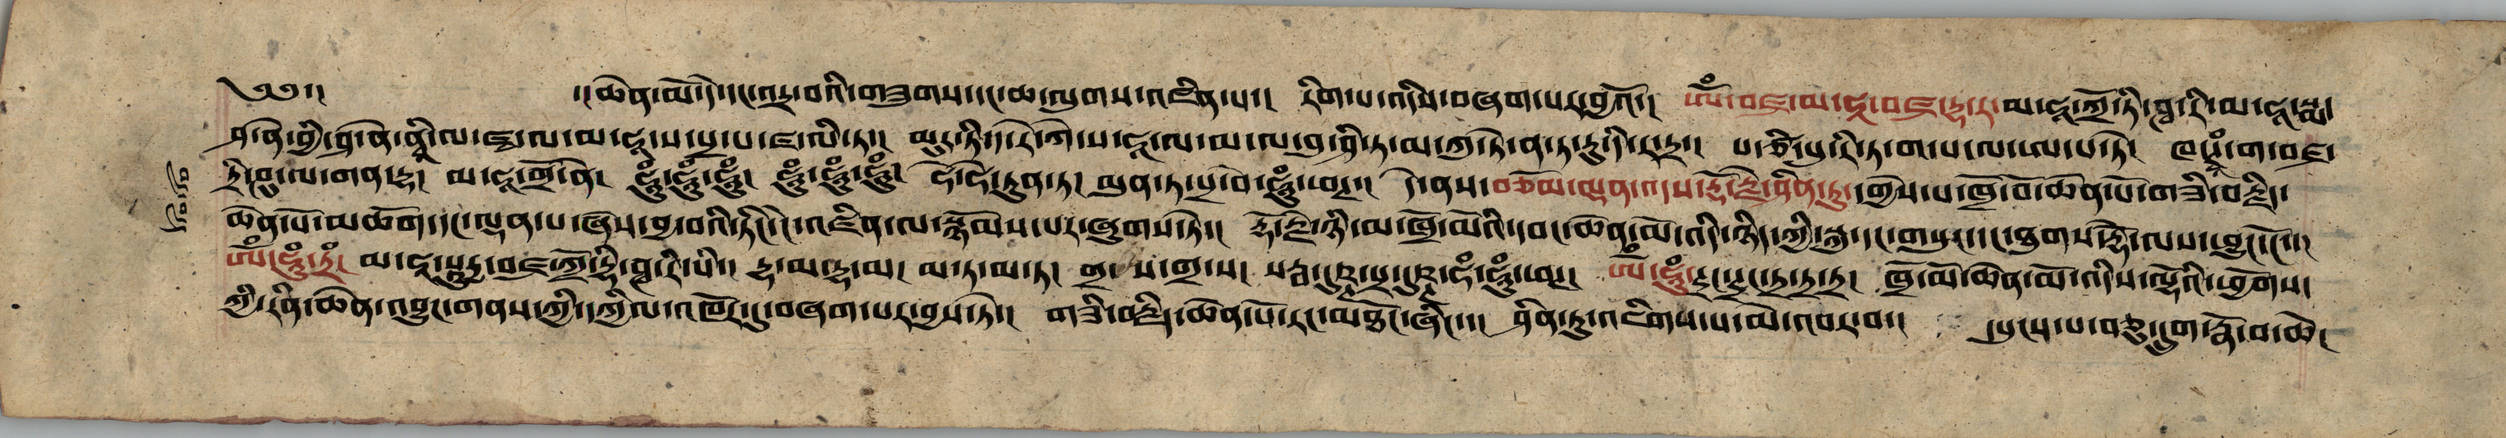༄༅་། ་།ཆེན་མོ་དེ་དང་འདྲ་བའི་གཟུགས་དང་ཆ་ལུགས་འཛིན་པ་། རིག་པ་འདིས་བཞག་པར་བྱའོ་། ཨོཾ་བཛྲ་མ་ཧཱ་བཛྲ་དྷ་ར་མ་ཧཱ་ཀྲོ་ཏི་ཤྭ་རི་མ་ཧཱ་སྨ་
ཤ་ནེ་བྱི་ཤ་ནེ་ནི་ལ་ཛྭ་ལ་མ་ཧཱ་ས་པྲ་པ་ཛ་ལི་ཏ་། མུར་ཏི་ད་རེ་ཀེ་ས་ཧཱ་ལ་མ་ལ་བུ་ཤི་ཏ་མ་ཀུ་ཏེ་ན་ཏ་རུ་དི་ར་ཏྲ་། པ་ཙི་སུ་རི་ཏ་ག་པ་ལ་ཨ་པ་ཏེ་ ཁ་ཊྭཾ་ག་བཛྲ་
ཏྲི་ཤུ་ལ་གན་དྷ། མ་ཧཱ་གྲོ་ནེ་། ཧཱུཾ་ཧཱུཾ་ཧཱུཾ་ ཧཱུཾ་ཧཱུཾ་ཧཱུཾ་ ཧེ་ཧེ་ཏུན་ཏ། མུན་ཏ་པྲ་བེ་ཧཱུཾ་ཕཊ་། དེ་ནས་བཅོམ་ལྡན་འདས་རྡོ་རྗེ་ཤིན་ཏུ་དགྱེས་པ་ཁྲོ་བོ་ཆེན་པོ་གཟི་བརྗིད་
ཆེན་པོ་མཆོག་དང་ལྡན་པ་ཞེས་བྱ་བའི་ཏིང་ངེ་འཛིན་ལ་སྙོམས་པར་ཞུགས་ཏེ་། རྡོ་རྗེ་ཉི་མ་ཁྲོ་མོའི་དབང་ཆེན་མོ་འདི་ཉིད་ཀྱི་སྐུ་དང་གསུང་དང་ཐུགས་རྡོེ་ལས་ཕྱུང་ངོ་་།
ཨོཾ་ཧཱུཾ་ཏྲཾ་ མ་ཧཱ་སཱུརྱ་བཛྲ་ཀྲོ་དྷི་ཥྚ་རི་པི་། དྷ་མ་དྷ་མ་ མ་ཏ་མ་ཏ་ གྲ་ས་གྲ་ས་ སརྦ་དུཋྚ་པྲ་དུཋྚ་ཧཾ་ཧཱུཾ་ཕཊ། ཨོཾ་ཧཱུཾ་ཊྲང་ཊྲང་ཏྲ་ཏྲ་ ཁྲོ་མོ་ཆེན་མོ་འདིས་ལྷོའི་ཕྱོགས་
ཀྱི་རིན་ཆེན་འབྱུང་གནས་ཀྱི་དཀྱིལ་འཁོར་དུ་བཞག་པར་བྱས་ཏེ་། གཟི་བརྗིད་ཆེན་པོ་རང་མཐོང་ཞིང་་། ཤིན་ཏུ་འཇིགས་པ་མེ་འབར་བ་། དཔུངས་པ་བཅུ་དྲུག་རྣོ་བ་ཆེ།